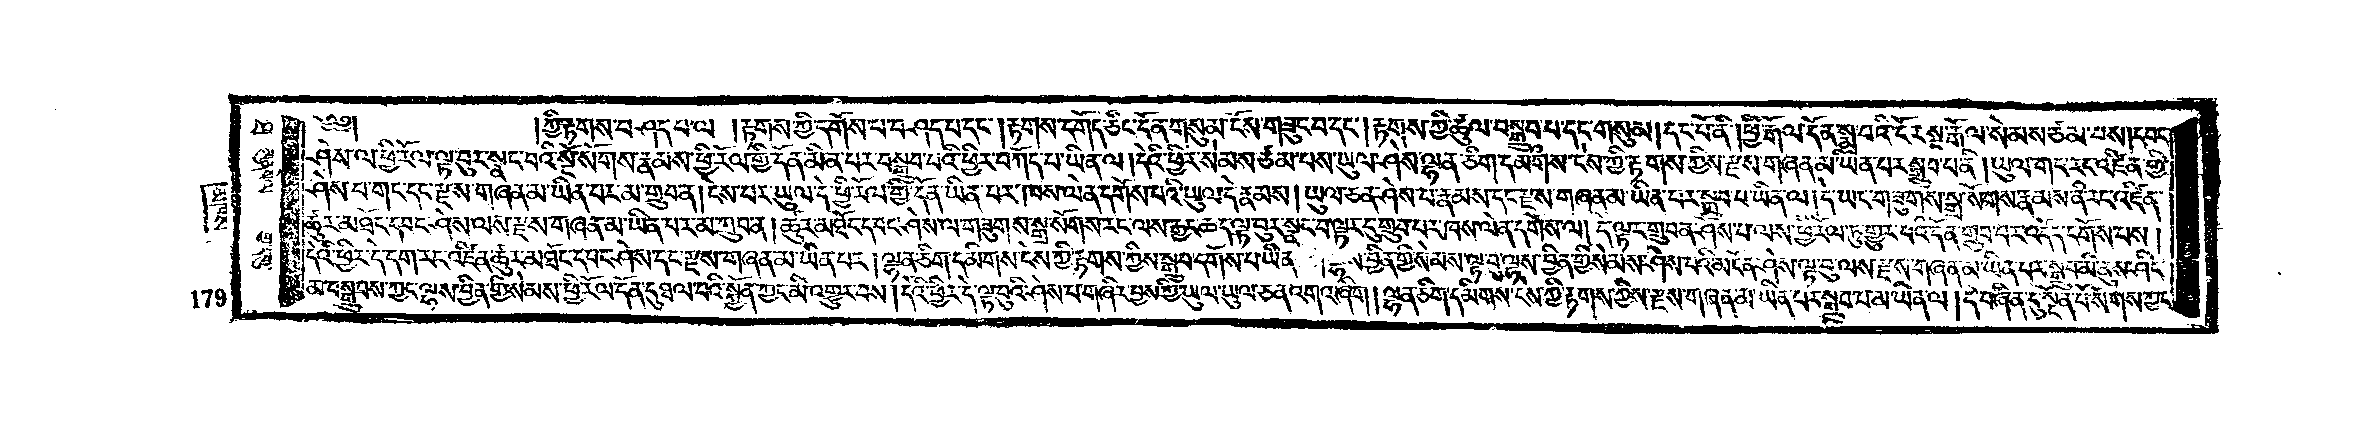༄༅། །ཀྱི་རྟགས་བཤད་པ་ལ་།རྟགས་ཀྱི་དགོས་པ་བཤད་པ་དང་། རྟགས་དགོད་ཅིང་དོན་གསུམ་ངོས་གཟུང་བ་དང་། རྟགས་ཀྱི་ཚུལ་བསྒྲུབ་པ་དང་གསུམ། དང་པོ་ནི། ཕྱི་རྒོལ་དོན་སྨྲ་བའི་ངོར་སྔ་རྒོལ་སེམས་ཙམ་པས། དབང་
ཤེས་ལ་ཕྱི་རོལ་ལྟ་བུར་སྣང་བའི་སྔོ་སོགས་རྣམས་ཕྱི་རོལ་གྱི་དོན་མིན་པར་བསྒྲུབ་པའི་ཕྱིར་བཀོད་པ་ཡིན་ལ། དེའི་ཕྱིར་སེམས་ཙམ་པས་ཡུལ་ཤེས་ལྷན་ཅིག་དམིགས་ངེས་ཀྱི་རྟགས་ཀྱིས་རྫས་གཞན་མ་ཡིན་པར་སྒྲུབ་པ་ནི། ཡུལ་གང་རང་འཛིན་གྱི་
ཤེས་པ་གང་དང་རྫས་གཞན་མ་ཡིན་པར་མ་གྲུབ་ན། ངེས་པར་ཡུལ་དེ་ཕྱི་རོལ་གྱི་དོན་ཡིན་པར་ཁས་ལེན་དགོས་པའི་ཡུལ་དེ་རྣམས། ཡུལ་ཅན་ཤེས་པ་རྣམས་དང་རྫས་གཞན་མ་ཡིན་པར་སྒྲུབ་པ་ཡིན་ལ། དེ་ཡང་གཟུགས་སྒྲ་སོགས་རྣམས་ནི་རང་འཛིན་
ཚུར་མཐོང་དབང་ཤེས་ལས་རྫས་གཞན་མ་ཡིན་པར་མ་གྲུབ་ན། ཚུར་མཐོང་དབང་ཤེས་ལ་གཟུགས་སྒྲ་སོགས་རང་ལས་རྒྱང་ཆད་ལྟ་བུར་སྣང་བ་ལྟར་དུ་གྲུབ་པར་ཁས་ལེན་དགོས་ལ། དེ་ལྟར་གྲུབ་ན་ཤེས་པ་ལས་ཕྱི་རོལ་ཏུ་གྱུར་པའི་དོན་གྲུབ་པར་འདོད་དགོས་པས།
དེའི་ཕྱིར་དེ་དག་རང་འཛིན་ཚུར་མཐོང་དབང་ཤེས་དང་རྫས་གཞན་མ་ཡིན་པར། ལྷན་ཅིག་དམིགས་ངེས་ཀྱི་རྟགས་ཀྱིས་སྒྲུབ་དགོས་པ་ཡིན་གྱི། ལྷས་བྱིན་གྱི་སེམས་ལྟ་བུ་ལྷས་བྱིན་གྱི་སེམས་ཤེས་པའི་མངོན་ཤེས་ལྟ་བུ་ལས་རྫས་གཞན་མ་ཡིན་པར་སྒྲུབ་མི་ནུས་ཤིང་
མ་བསྒྲུབས་ཀྱང་ལྷས་བྱིན་གྱི་སེམས་ཕྱི་རོལ་དོན་དུ་ཐལ་བའི་སྐྱོན་ཀྱང་མི་འགྱུར་བས། དེའི་ཕྱིར་དེ་ལྟ་བུའི་ཤེས་པ་གཞིར་བྱས་ཀྱི་ཡུལ་ཡུལ་ཅན་འགའ་ཞིག །ལྷན་ཅིག་དམིགས་ངེས་ཀྱི་རྟགས་ཀྱིས་རྫས་གཞན་མ་ཡིན་པར་སྒྲུབ་པ་མ་ཡིན་ལ། དེ་བཞིན་དུ་སྔོན་པོ་སོགས་ཀྱང་